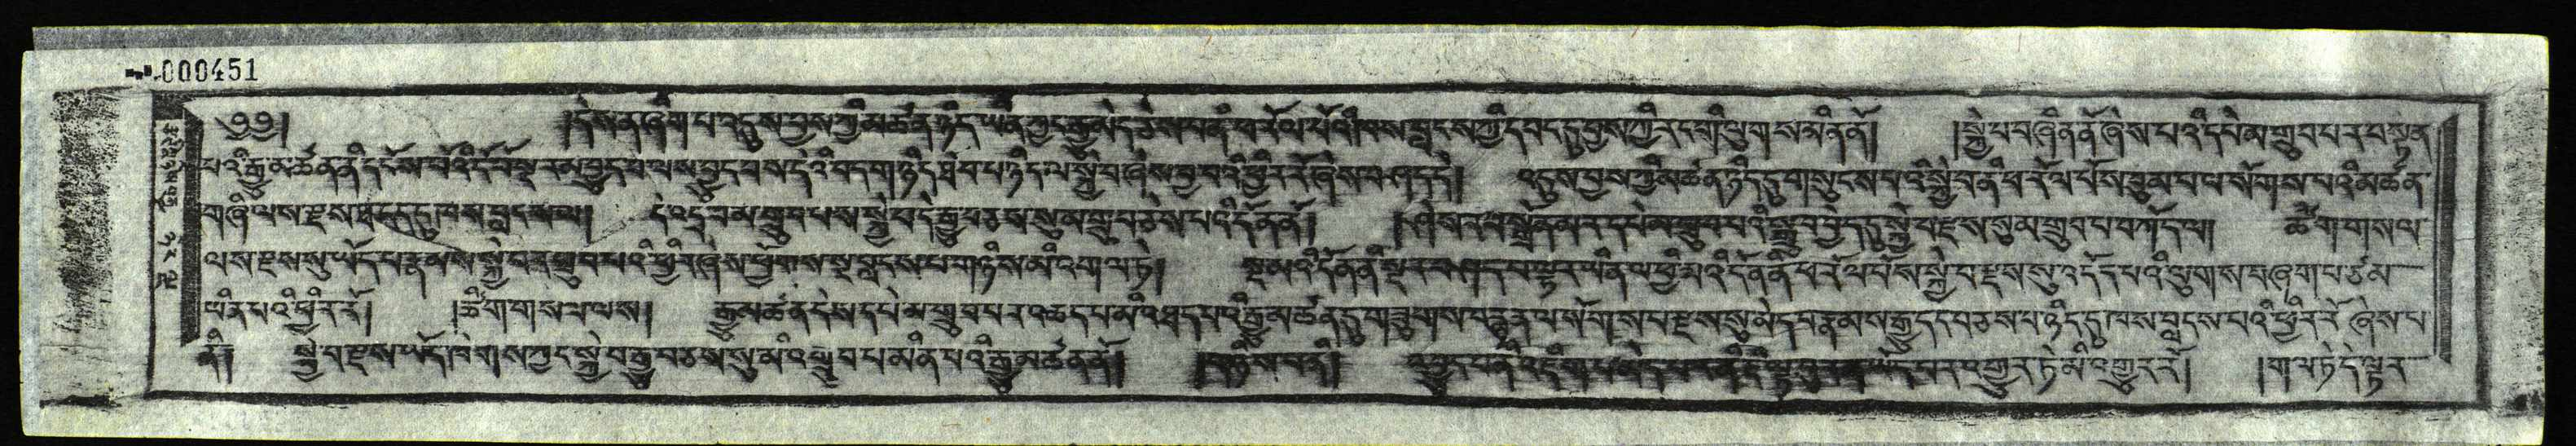༄༅། །དེས་ན་ཞིག་པ་འདུས་བྱས་ཀྱི་མཚན་ཉིད་ཡིན་ཀྱང་རྒྱུ་མེད་ཅེས་པ་ནི་ཕ་རོལ་པོའི་ཁས་བླངས་ཀྱི་དབང་དུ་བྱས་ཀྱི་རང་གི་ལུགས་མིན་ནོ། །སྐྱེ་བ་བཞིན་ནོ་ཞེས་པའི་དཔེ་མ་གྲུབ་པར་བསྟན་
པའི་རྒྱུ་མཚན་ནི་དངོས་པོའི་ངོ་བོ་སྔར་མ་བྱུང་བ་ལས་བྱུང་བས་དེའི་བདག་ཉིད་ཐོབ་པ་ཉིད་ལ་སྐྱེ་བ་ཞེས་བྱ་བའི་ཕྱིར་རོ་ཞེས་བཤད་དེ། འདུས་བྱས་ཀྱི་མཚན་ཉིད་དུ་གསུངས་པའི་སྐྱེ་བ་ནི་ཕ་རོལ་པོས་བུམ་པ་ལ་སོགས་པའི་མཚན་
གཞི་ལས་རྫས་ཐ་དད་དུ་ཁས་བླངས་ལ། དེ་འདྲ་བ་མ་གྲུབ་པས་སྐྱེ་བ་དེ་རྒྱུ་བཅས་སུ་མ་གྲུབ་ཅེས་པའི་དོན་ནོ། །ཤེས་རབ་སྒྲོན་མར་དཔེ་ལ་གྲུབ་པའི་སྒྲུབ་བྱེད་དུ་སྐྱེ་བ་རྫས་སུ་མ་གྲུབ་པ་བཀོད་ལ། ཚིག་གསལ་
ལས་རྫས་སུ་ཡོད་པ་རྣམས་སྐྱེ་བར་གྲུབ་པའི་ཕྱིར་ཞེས་ཕྱོགས་སྔ་བླངས་པ་གཉིས་མི་འགལ་ཏེ། སྔ་མའི་དོན་ནི་སྔར་བཤད་པ་ལྟར་ཡིན་ལ་ཕྱི་མའི་དོན་ནི་ཕ་རོལ་བོས་སྐྱེ་བ་རྫས་སུ་འདོད་པའི་ལུགས་བཞག་པ་ཙམ་
ཡིན་པའི་ཕྱིར་རོ། །ཚིག་གསལ་ལས། རྒྱུ་མཚན་དེས་དཔེ་མ་གྲུབ་པར་འཆད་པ་མི་འཐད་པའི་རྒྱུ་མཚན་དུ་གཟུགས་བརྙན་ལ་སོགས་པ་རྫས་སུ་མེད་པ་རྣམས་རྒྱུ་དང་བཅས་པ་ཉིད་དུ་ཁས་བླངས་པའི་ཕྱིར་རོ་ཞེས་པ་
ནི༑ སྐྱེ་བ་རྫས་ཡོད་ཁེགས་ཀྱང་སྐྱེ་བ་རྒྱུ་བཅས་སུ་མི་འགྲུབ་པ་མིན་པའི་རྒྱུ་མཚན་ནོ། །གཉིས་པ་ནི། འབྱུང་བ་ནི་འཇིག་པ་མེད་པ་ནི་ཇི་ལྟ་བུར་ན་ཡོད་པར་འགྱུར་ཏེ་མི་འགྱུར་རོ། །གལ་ཏེ་དེ་ལྟར་